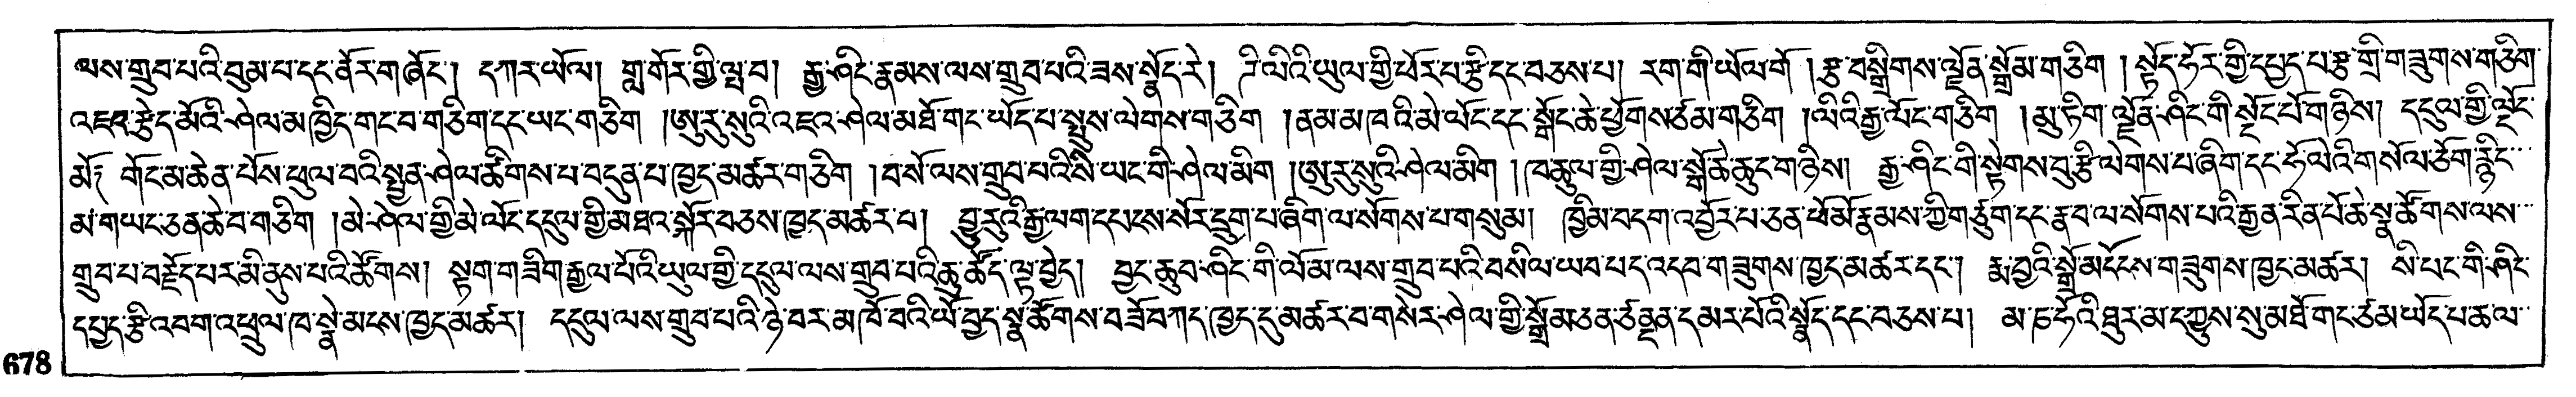ལས་གྲུབ་པའི་བུམ་པ་དང་ནོར་གཞོང་། དཀར་ཡོལ། གླ་གོར་གྱི་ལྦ་པ། རྒྱ་ཤིང་རྣམས་ལས་གྲུབ་པའི་ཟས་སྣང་རེ། ཌི་ལིའི་ཡུལ་གྱི་ཕོར་བ་རྩི་དང་བཅས་པ། རག་གི་ཡོལ་གོ །རྩ་བསྒྲིགས་ལྗོན་སྒྲོམ་གཅིག །སྟོད་ཧོར་བྱི་དབྱད་པ་རྩ་གྲི་གཟུགས་གཅིག་
འཇའ་རྩེད་མོའི་ཤེལ་མཁྱིད་གང་པ་གཅིག་དང་ཡང་གཅིག །ཨུ་རུ་སུའི་འཇའ་ཤེལ་མཐོ་གང་ཡོད་པ་སྦུས་ལེགས་གཅིག །ནམ་མཁའི་མེ་ལོང་དང་སྒོང་ཆེ་ཕྱོགས་ཙམ་གཅིག །ལིའི་རྒྱ་ལོང་གཅིག །མུ་ཏིག་ལྗོན་ཤིང་གི་སྡོང་པོ་གཉིས། དངུལ་གྱི་ལྡོང་
མོ༑ གོང་མ་ཆེན་པོས་ཕུལ་བའི་སྦྱན་ཤེལ་ཚིགས་པ་བདུན་པ་ཁྱད་མཚར་གཅིག །བ་སོ་ལས་གྲུབ་པའི་ས་ཡང་གི་ཤེལ་མིག །ཨུ་རུ་སུའི་ཤེལ་མིག །ཁ་ཆུལ་གྱི་ཤེལ་སྒོ་ཆེ་ཆུང་གཉིས། རྒྱ་ཤིང་གི་སྟེགས་བུ་རྩི་ལེགས་པ་ཞིག་དང་ཧོ་ཡེའི་གསོལ་ཅོག་རྙིང་
མ་གཡང་ཅན་ཆེ་བ་གཅིག །མེ་ཤེལ་གྱི་མེ་ལོང་དངུལ་གྱི་མཐའ་སྐོར་བཅས་ཁྱད་མཚར་བ། བྱུ་རུའི་རྒྱ་ལག་དཔངས་སོར་དྲུག་པ་ཞིག་ལ་སོགས་པ་གསུམ། ཁྱིམ་བདག་འབྱོར་པ་ཅན་པོ་མོ་རྣམས་ཀྱི་གཙུག་དང་རྣ་བ་ལ་སོགས་པའི་རྒྱན་རིན་པོ་ཆེ་སྣ་ཚོགས་ལས་
གྲུབ་པ་བརྗོད་པར་མི་ནུས་པའི་ཚོགས། སྟག་གཟིག་རྒྱལ་བོའི་ཡུལ་གྱི་དངུལ་ལས་གྲུབ་པའི་ཆུ་ཆོད་ལྟ་བྱེད། བྱང་ཆུབ་ཤིང་གི་ལོ་མ་ལས་གྲུབ་པའི་བསིལ་ཡབ་པད་འདབ་གཟུགས་ཁྱད་མཚར་དང་། རྨ་བྱའི་སྒྲོ་མདོངས་གཟུགས་ཁྱད་མཚར། སི་པང་གི་ཤིང་
དབྱད་རྩི་འབག་འཕྲུལ་ཁ་སྣེ་མངས་ཁྱད་མཚར། དངུལ་ལས་གྲུབ་པའི་ཉེ་བར་མཁོ་བའི་ཡོ་བྱད་སྣ་ཚོགས་བཟོ་བཀོད་ཁྱད་དུ་མཚར་བ་གསེར་ཤེལ་གྱི་སྒྲོམ་ཅན་ཙནྡན་དམར་བོའི་སྣོད་དང་བཅས་པ། མཎ་ཧོའི་ཐུར་མ་དཀྱུས་སུ་མཐོ་གང་ཙམ་ཡོད་པ་ཆ་ལ་